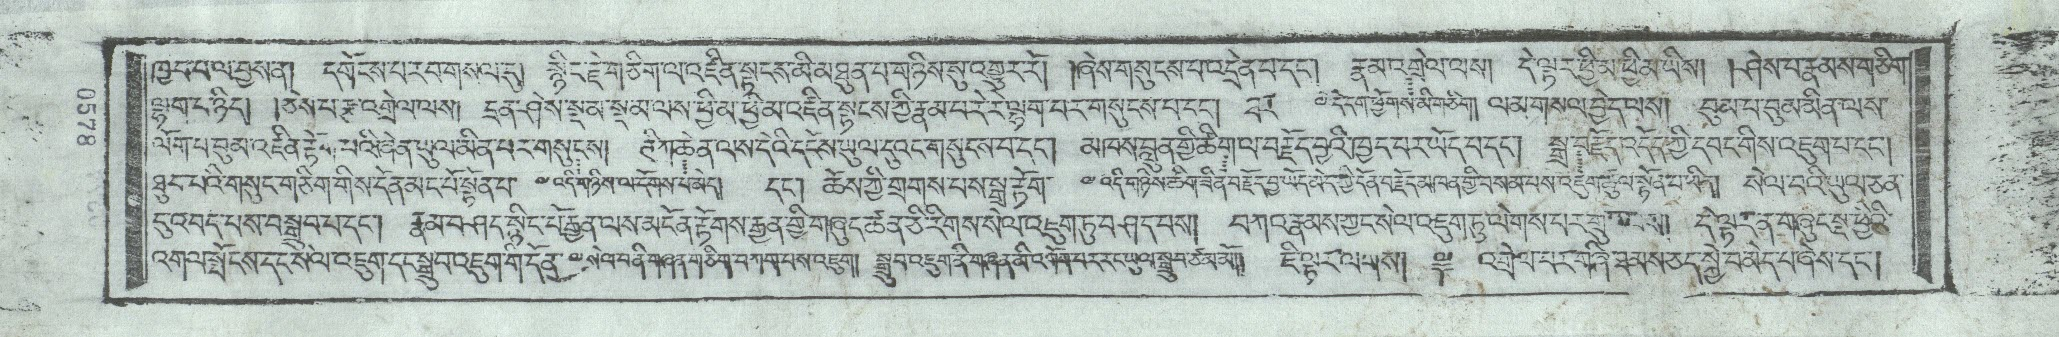ཁྱབ་པ་ལ་བྱས་ན། དགོངས་པ་རབ་གསལ་དུ། སྙིང་རྗེ་གཅིག་ལ་འཛིན་སྟངས་མི་མཐུན་པ་གཉིས་སུ་འགྱུར་རོ། །ཞེས་གསུངས་པ་འདྲེན་པ་དང་། རྣམ་འགྲེལ་ལས། དེ་ལྟར་ཕྱི་མ་ཕྱི་མ་ཡིས། །ཤེས་པ་རྣམས་གཅིག་
ལྷག་པ་ཉིད། །ཅེས་པ་རྩ་འགྲེལ་ལས། དྲན་ཤེས་སྔ་མ་སྔ་མ་ལས་ཕྱི་མ་ཕྱི་མ་འཛིན་སྟངས་ཀྱི་རྣམ་པ་རེ་རེ་ལྷག་པར་གསུངས་པ་དང་། ཐར་༧དེ་དག་ཕྱོགས་མི་གཅིག།  ལམ་གསལ་བྱེད་ལས། བུམ་པ་བུམ་མིན་ལས་
ལོག་པ་བུམ་འཛིན་རྟོག་པའི་ཞེན་ཡུལ་མིན་པར་གསུངས། ཊིཀ་ཆེན་ལས་དེའི་དངོས་ཡུལ་དུའང་གསུངས་པ་དང་། མཁས་བླུན་གྱི་ཚིག་ལ་བརྗོད་བྱའི་ཁྱད་པར་ཡོད་པ་དང་། སྒྲ་བརྗོད་འདོད་ཀྱི་དབང་གིས་འཇུག་པ་དང་།
ཐུབ་པའི་གསུང་གཅིག་གིས་དོན་མང་པོ་སྟོན་པ་༧འདི་གཉིས་ལ་དོགས་པ་མེད།  དང་། ཆོས་ཀྱི་གྲགས་པས་སྒྲ་རྟོག་༧འདི་གཉིས་ཚིག་ཟིན་བརྗོད་བྱ་ཡོད་མེད་ཀྱི་དོན་བརྗོད་མཁན་གྱི་བསམ་པས་འཇུག་ཚུལ་སྟོན་པ་ཡིན།  སེལ་བའི་ཡུལ་ཅན་
དུ་འབད་པས་བསྒྲུབ་པ་དང་། རྣམ་བཤད་སྙིང་པོ་རྒྱན་ལས་མངོན་རྟོགས་རྒྱན་གྱི་གཞུང་ཚན་ཅི་རིགས་སེལ་འཇུག་ཏུ་བཤད་པས། བཀའ་རྣམས་ཀྱང་སེལ་འཇུག་ཏུ་ལེགས་པར་གྲུབ་པས། དེ་ལྟར་ན་གཞུང་སྔ་ཕྱིའི་
འགལ་སྤོངས་དང་སེལ་འཇུག་དང་སྒྲུབ་འཇུག་གི་དོན་༧སེལ་བ་ནི་གཞན་གཅིག་བཀག་པས་འཇུག། སྒྲུབ་འཇུག་ནི་གཞན་མི་འགོག་པར་རང་ཡུལ་སྒྲུབ་ཙམ་མོ།།  ཇི་ལྟར་ལགས། ༈ འགྲེལ་པར་གཞི་ཐམས་ཅད་སྐྱེ་བ་མེད་པ་ཞེས་དང་།